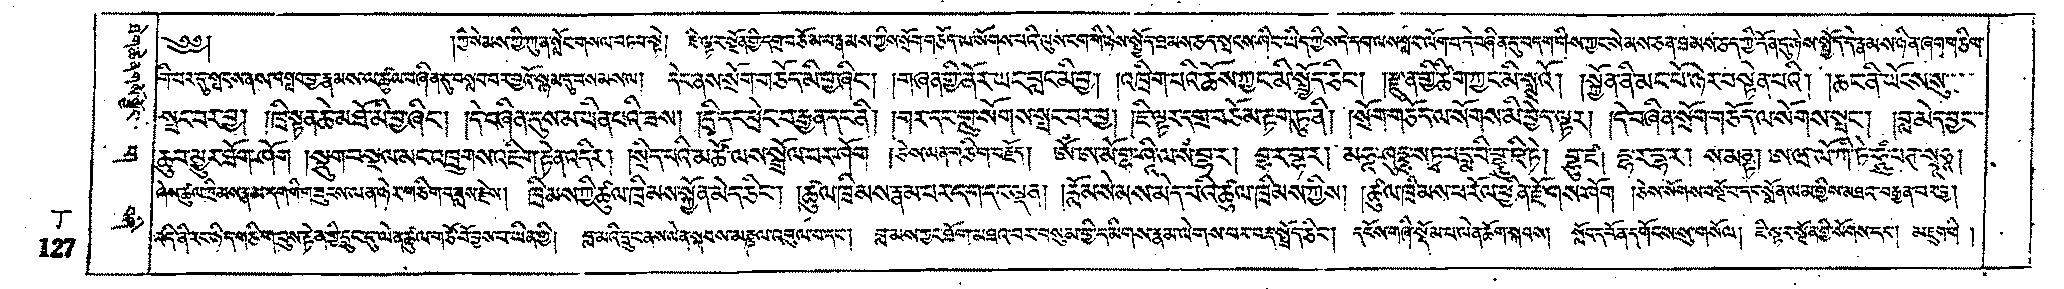༄༅། །ཀྱི་སེམས་ཀྱི་ཀུན་སློང་གསལ་བཏབ་སྟེ། ཇི་ལྟར་སྔོན་གྱི་དགྲ་བཅོམ་པ་རྣམས་ཀྱིས་སྲོག་གཅོད་ལ་སོགས་པའི་ལུས་ངག་གི་ཉེས་སྤྱོད་ཐམས་ཅད་སྤངས་ཤིང་ཡིད་ཀྱིས་དེ་དག་ལས་སླར་ལོག་པ་དེ་བཞིན་དུ་བདག་གིས་ཀྱང་སེམས་ཅན་ཐམས་ཅད་ཀྱི་དོན་དུ་ཉེས་སྤྱོད་དེ་རྣམས་ཉིན་ཞག་གཅིག་
གི་བར་དུ་སྤངས་ནས་བསླབ་བྱ་རྣམས་ལ་ཚུལ་བཞིན་དུ་བསླབ་པར་བྱའོ་སྙམ་དུ་བསམས་ལ། དེང་ནས་སྲོག་གཅོད་མི་བྱ་ཞིང་། །གཞན་གྱི་ནོར་ཡང་བླང་མི་བྱ། །འཁྲིག་པའི་ཆོས་ཀྱང་མི་སྤྱོད་ཅིང་། །རྫུན་གྱི་ཚིག་ཀྱང་མི་སྨྲའོ། །སྐྱོན་ནི་མང་པོ་ཉེར་བསྟེན་པའི། །ཆང་ནི་ཡོངས་སུ་་་
སྤང་བར་བྱ། །ཁྲི་སྟན་ཆེ་མཐོ་མི་བྱ་ཞིང་། །དེ་བཞིན་དུས་མ་ཡིན་པའི་ཟས། །དྲི་དང་ཕྲེང་བ་རྒྱན་དང་ནི། །གར་དང་གླུ་སོགས་སྤང་བར་བྱ། །ཇི་ལྟར་དགྲ་བཅོམ་རྟག་ཏུ་ནི། །སྲོག་གཅོད་ལ་སོགས་མི་བྱེད་ལྟར། །དེ་བཞིན་སྲོག་གཅོད་ལ་སོགས་སྤང་། །བླ་མེད་བྱང་་་
ཆུབ་མྱུར་ཐོག་ཤོག །སྡུག་བསྔལ་མང་འཁྲུགས་འཇིག་རྟེན་འདིར། །སྲིད་པའི་མཚོ་ལས་སྒྲོལ་བར་ཤོག་།ཅེས་ལན་གཅིག་བརྗོད།  ཨོཾ་ཨ་མོ་གྷ་ཤཱི་ལ་སཾ་བྷ་ར། བྷ་ར་བྷ་ར། མཧཱ་ཤུདྡྷ་སཏྭ་པདམ་བི་བྷཱུ་ཥི་ཏེ། བྷུ་ཛ། དྷ་ར་དྷ་ར། ས་མནྟ། ཨ་ཝ་ལོ་ཀི་ཏེ་ཧཱུཾ་ཕཊ་སྭཱཧཱ།
ཞེས་ཚུལ་ཁྲིམས་རྣམ་དག་གི་གཟུངས་ལན་ཉེར་གཅིག་བཟླས་རྗེས།  ཁྲིམས་ཀྱི་ཚུལ་ཁྲིམས་སྐྱོན་མེད་ཅིང་། །ཚུལ་ཁྲིམས་རྣམ་པར་དག་དང་ལྡན། །རློམ་སེམས་མེད་པའི་ཚུལ་ཁྲིམས་ཀྱིས། །ཚུལ་ཁྲིམས་ཕ་རོལ་ཕྱིན་རྫོགས་ཤོག །ཅེས་སོགས་བསྔོ་བ་དང་སྨོན་ལམ་གྱིས་མཐའ་བརྒྱན་པར་བྱ།
འདི་ནི་རང་ཉིད་གཅིག་པུས་རྟེན་གྱི་དྲུང་དུ་ལེན་ཚུལ་གཙོ་བོ་བྱས་པ་ཡིན་གྱི། བླ་མའི་དྲུང་ནས་ལེན་སྐབས་མཎྜལ་འབུལ་བ་དང་། བླ་མས་ཀྱང་ཐོག་མཐའ་བར་གསུམ་གྱི་དམིགས་རྣམ་ལེགས་པར་བརྡ་སྤྲོད་ཅིང་། དངོས་གཞི་སྡོམ་པ་ལེན་ཆོག་སྐབས། སློབ་དཔོན་དགོངས་སུ་གསོལ། ཇི་ལྟར་སྔོན་གྱི་སོགས་དང་། མཇུག་གི །